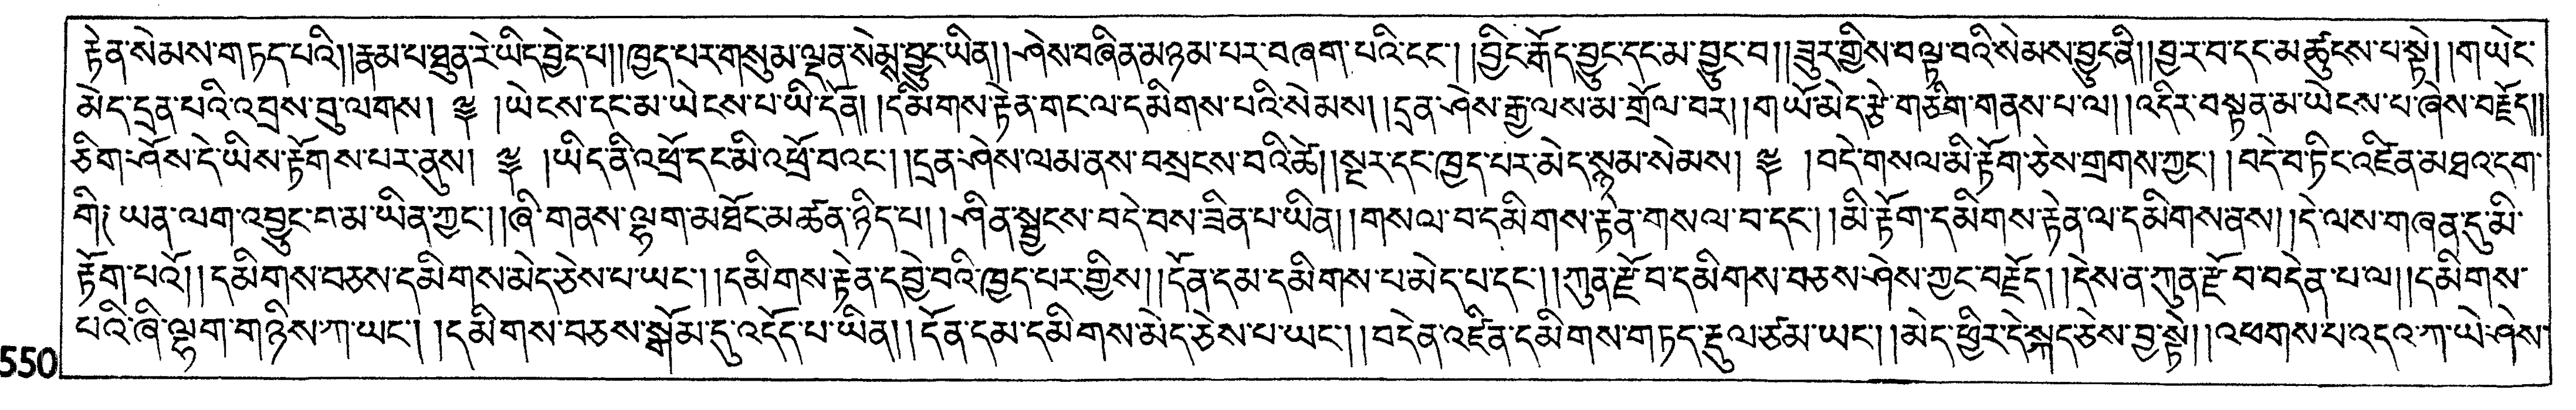རྟེན་སེམས་གཏད་པའི། །རྣམ་པ་ཐུན་རེ་ཡིད་བྱེད་པ། །ཁྱད་པར་གསུམ་ལྡན་སེམས་བྱུང་ཡིན། །ཤེས་བཞིན་མཉམ་པར་བཞག་པའི་ངང་། །བྱིང་རྒོད་བྱུང་དང་མ་བྱུང་བ། །ཟུར་གྱིས་བལྟ་བའི་སེམས་བྱུང་ནི། །བྱ་ར་བ་དང་མཚུངས་པ་སྟེ། །གཡེང་
མེད་དྲན་པའི་འབྲས་བུ་ལགས། ༈ །ཡེངས་དང་མ་ཡེངས་པ་ཡི་དོན། །དམིགས་རྟེན་གང་ལ་དམིགས་པའི་སེམས། །དྲན་ཤེས་རྒྱ་ལས་མ་གྲོལ་བར། །གཡོ་མེད་རྩེ་གཅིག་གནས་པ་ལ། །འདིར་བསྟན་མ་ཡེངས་པ་ཞེས་བརྗོད། །
ཅིག་ཤོས་དེ་ཡིས་རྟོགས་པར་ནུས། ༈ །ཡིད་ནི་འཕྲོ་དང་མི་འཕྲོ་བའང་། །དྲན་ཤེས་ལམ་ནས་བསྲངས་བའི་ཚེ། །སྔར་དང་ཁྱད་པར་མེད་སྙམ་སེམས། ༈ །བདེ་གསལ་མི་རྟོག་ཅེས་གྲགས་ཀྱང་། །བདེ་བ་ཏིང་འཛིན་མཐའ་དག་
གི༑ ཡན་ལག་འབྱུང་བ་མ་ཡིན་ཀྱང་། །ཞི་གནས་ལྷག་མཐོང་མཚན་ཉིད་པ། །ཤིན་སྦྱངས་བདེ་བས་ཟིན་པ་ཡིན། །གསལ་བ་དམིགས་རྟེན་གསལ་བ་དང་། །མི་རྟོག་དམིགས་རྟེན་ལ་དམིགས་ནས། །དེ་ལས་གཞན་དུ་མི་
རྟོག་པའོ། །དམིགས་བཅས་དམིགས་མེད་ཅེས་པ་ཡང་། །དམིགས་རྟེན་དབྱེ་བའི་ཁྱད་པར་གྱིས། །དོན་དམ་དམིགས་པ་མེད་པ་དང་། །ཀུན་རྫོབ་དམིགས་བཅས་ཤེས་ཀྱང་བརྗོད། །དེས་ན་ཀུན་རྫོབ་བདེན་པ་ལ། །དམིགས་
པའི་ཞི་ལྷག་གཉིས་ཀ་ཡང་། །དམིགས་བཅས་སྒོམ་དུ་འདོད་པ་ཡིན། །དོན་དམ་དམིགས་མེད་ཅེས་པ་ཡང་། །བདེན་འཛིན་དམིགས་གཏད་རྡུལ་ཙམ་ཡང་། །མེད་ཕྱིར་དེ་སྐད་ཅེས་བྱ་སྟེ། །འཕགས་པ་འདའ་ཀ་ཡེ་ཤེས་